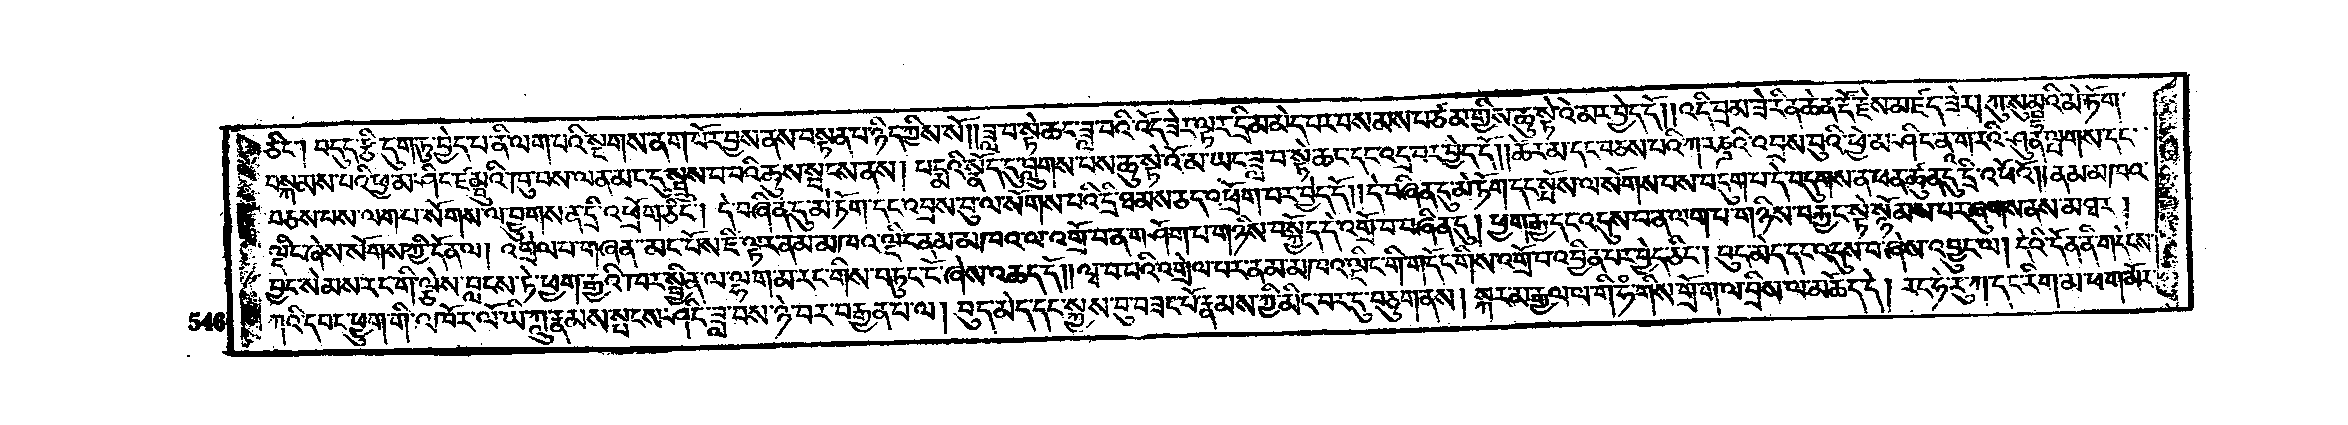ཅིང་། བདུད་རྩི་དུག་ཏུ་བྱེད་པ་ནི་ལག་པའི་སྔགས་ནག་པོར་བྱས་ནས་བསྟན་པ་ཉིད་ཀྱིས་སོ། །ཟླ་བ་སྟེ་ཆང་ཟླ་བའི་འོད་ཟེར་ལྟར་དྲི་མ་མེད་པར་བསམས་པ་ཙམ་གྱིས་ཆུ་སྟེ་འོ་མར་བྱེད་དོ། །འདི་བྲམ་ཟེ་རིན་ཆེན་རྡོ་རྗེས་མཛད་ཟེར། ཀུ་སུམྦྷའི་མེ་ཏོག་
བསྐམས་པའི་ཕྱེ་མ་ཤིང་ཛམྦུའི་ཁུ་བས་ལན་མང་དུ་སྦྲུས་པ་བའི་ཆུས་སྤངས་ནས། པདམའི་སྣོད་དུ་བླུགས་པས་ཆུ་སྟེ་འོ་མ་ཡང་ཟླ་བ་སྟེ་ཆང་དང་འདྲ་བར་བྱེད་དོ། །ཚེར་མ་དང་བཅས་པའི་ཀ་རཎྜའི་འབྲས་བུའི་ཕྱེ་མ་ཤིང་ནཱ་ག་རའི་ཤུན་ལྤགས་དང་
བཅས་པས་ལག་པ་སོགས་ལ་བྱུགས་ན་དྲི་འཕྲོག་ཅིང་། དེ་བཞིན་དུ་མེ་ཏོག་དང་འབྲས་བུ་ལ་སོགས་པའི་དྲི་ཐམས་ཅད་འཕྲོག་པར་བྱེད་དོ། །དེ་བཞིན་དུ་མེ་ཏོག་དང་སྤོས་ལ་སོགས་པས་བདུག་པ་དེ་བདུགས་ན་ཕན་ཚུན་དུ་དྲི་འཕོའོ། །ནམ་མཁའ་
ལྡིང་ཞེས་སོགས་ཀྱི་དོན་ལ། འགྲེལ་པ་གཞན་མང་པོས་ཇི་ལྟར་ནམ་མཁའ་ལྡིང་ནམ་མཁའ་ལ་འགྲོ་བ་ན་གཤོག་པ་གཉིས་བསྐྱོད་དེ་འགྲོ་བ་བཞིན་དུ། ཕྱག་རྒྱ་དང་འདུས་པ་ན་ལག་པ་གཉིས་བརྐྱང་སྟེ་སྙོམས་པར་ཞུགས་ནས་མཐར།
བྱང་སེམས་རང་གི་ལྕེས་བླངས་ཏེ་ཕྱག་རྒྱའི་ཁར་སྦྱིན་ལ་ལྷག་མ་རང་གིས་བཏུང་ངོ་ཞེས་འཆད་དོ། །ལྭ་བ་པའི་འགྲེལ་པར་ནམ་མཁའ་ལྡིང་གི་གདོང་གིས་འགྲོ་བ་འབྱིན་པར་བྱེད་ཅིང་། བུད་མེད་དང་འདུས་པ་ཞེས་འབྱུང་ལ། དེའི་དོན་ནི་གདེངས་
ཀའི་དབང་ཕྱུག་གི་འཁོར་ལོ་ཡི་ཀླུ་རྣམས་སྤངས་ཤིང་ཟླ་བས་ཉེ་བར་བརྒྱན་པ་ལ། བུད་མེད་དང་སྐྱེས་བུ་བཟང་པོ་རྣམས་ཀྱི་མིང་བར་དུ་བཅུག་ནས། སྐར་མ་རྒྱལ་ལ་གི་ཧཾ་གིས་གྲོ་ག་ལ་བྲིས་ལ་མཆོད་དེ། རང་ཧེ་རུ་ཀ་དང་རིག་མ་ཕག་མོར་